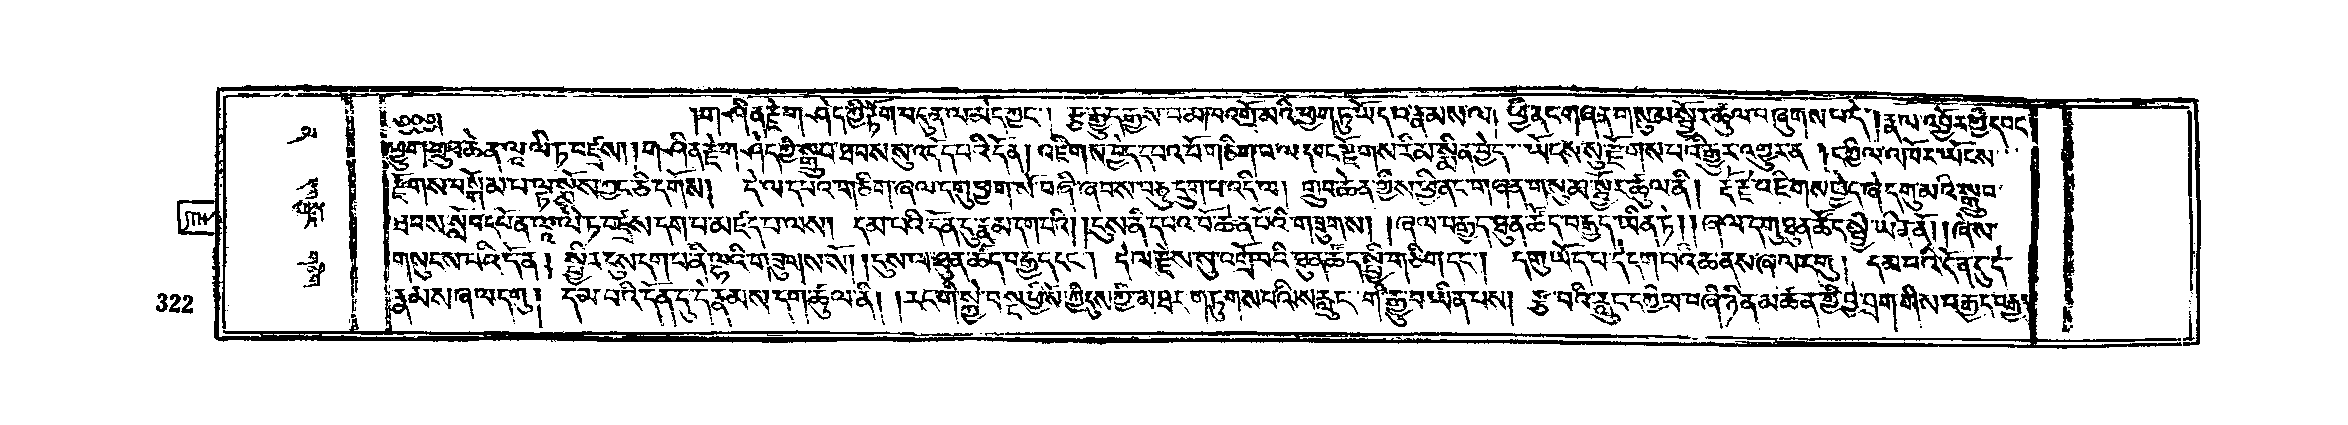༄༅༅། །གཤིན་རྗེ་གཤེད་ཀྱི་རྟོག་བདུན་ལ་མེད་ཀྱང་། རྩ་རྒྱུད་རྒྱས་པ་མཁའ་འགྲོ་མའི་ཕྱག་ཏུ་ཡོད་པ་རྣམས་ལ། ཕྱི་ནང་གཞན་གསུམ་སྦྱོར་ཚུལ་བཞུགས་པ་དེ། རྣལ་འབྱོར་གྱི་དབང་
ཕྱུག་གྲུབ་ཆེན་ལཱ་ལི་ཏ་བཛྲས། །གཤིན་རྗེ་གཤེད་ཀྱི་སྒྲུབ་ཐབས་སུ་འདོད་པའི་དོན། འཇིགས་བྱེད་དཔའ་བོ་གཅིག་པ་ལ་ཡང་རྫོགས་རིམ་སྨིན་བྱེད་ཡོངས་སུ་རྫོགས་པའི་རྒྱུར་འགྱུར་ན། དཀྱིལ་འཁོར་ཡོངས་
རྫོགས་བསྒོམ་པ་ལྟ་སྨོས་ཀྱང་ཅི་དགོས། དེ་ལ་དཔའ་གཅིག་ཞལ་དགུ་ཕྱག་སོ་བཞི་ཞབས་བཅུ་དྲུག་པ་འདི་ལ། གྲུབ་ཆེན་གྱིས་ཕྱི་ནང་གཞན་གསུམ་སྦྱོར་ཚུལ་ནི། རྡོ་རྗེ་འཇིགས་བྱེད་ཞེ་དགུ་མའི་སྒྲུབ་
ཐབས་སློབ་དཔོན་ལཱ་ལི་ཏ་བཛྲས་དག་པ་མཛད་པ་ལས། དམ་པའི་དོན་དུ་རྣམ་དག་པའི། །དུས་ནི་དཔའ་བོ་ཆེན་པོའི་གཟུགས། །ཞལ་བརྒྱད་ཐུན་ཚོད་བརྒྱད་ཡིན་ཏེ། །ཞལ་དགུ་ཐུན་ཚོད་སྤྱི་ཡིན་ནོ། །ཞེས་
གསུངས་པའི་དོན། སྤྱིར་དུས་དག་པ་ནི་ལྷའི་གཟུགས་སོ། །དུས་ལ་ཐུན་ཚོད་བརྒྱད་དང་།དེ་ལ་རྗེས་སུ་འགྲོ་བའི་ཐུན་ཚོད་སྤྱི་གཅིག་དང་།དགུ་ཡོད་པ་དེ་དག་པའི་ཆ་ནས་ཞལ་དགུ །དམ་པའི་དོན་དུ་དེ་
རྣམས་ཞལ་དགུ །དམ་པའི་དོན་དུ་དེ་རྣམས་དག་ཚུལ་ནི། །རང་གི་སྐྱེ་བ་སྔ་ཕྱི་སོགས་ཀྱི་དུས་ཀྱི་མཐར་གཏུགས་པ་ལས་རླུང་གི་རྒྱུ་བ་ཡིན་པས། རྩ་བའི་རླུང་དཀྱིལ་བཞི་ཉིན་མཚན་གྱི་བྱེ་བྲག་གིས་བརྒྱད་བརྒྱད་